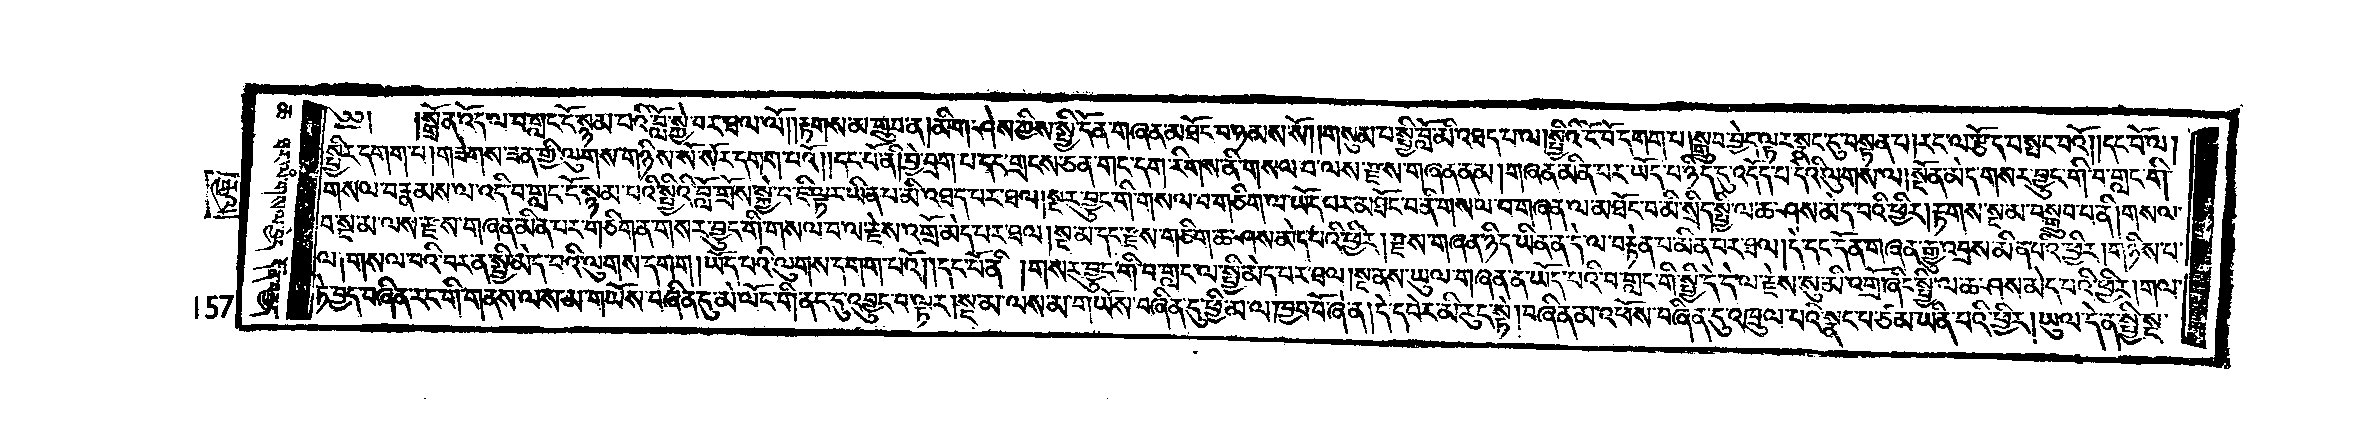༄༅། །སྒྲོན་འོད་ལ་བ་གླང་ངོ་སྙམ་པའི་བློ་སྐྱེ་བར་ཐལ་ལོ། །རྟགས་མ་གྲུབ་ན། མིག་ཤེས་ཀྱིས་སྤྱི་དོན་གཞན་མཐོང་བ་ཉམས་སོ། །གསུམ་པ་སྤྱི་བློ་མི་འཐད་པ་ལ། སྤྱིའི་ངོ་བོ་དགག་པ། སྒྲུབ་བྱེད་ལྟར་སྣང་དུ་བསྟན་པ། རང་ལ་རྩོད་པ་སྤང་བའོ། །དང་པོ་ལ།
སྤྱིར་དགག་པ། གཟེགས་ཟན་གྱི་ལུགས་གཉིས་སོ་སོར་དགག་པའོ། །དང་པོ་ནི། བྱེ་བྲག་པ་དང་གྲངས་ཅན་གང་དག་རིགས་ནི་གསལ་བ་ལས་རྫས་གཞན་ནམ། གཞན་མིན་པར་ཡོད་པ་ཉིད་དུ་འདོད་པ་དེའི་ལུགས་ལ། སྔོན་མེད་གསར་བྱུང་གི་བ་གླང་གི་
གསལ་བ་རྣམས་ལ་འདི་བ་གླང་ངོ་སྙམ་པའི་སྤྱིའི་བློ་གྲོས་སྐྱེ་བ་ཇི་ལྟར་ཡིན་པ་མི་འཐད་པར་ཐལ། སྔར་བྱུང་གི་གསལ་བ་གཅིག་ལ་ཡོད་པར་མཐོང་བ་ནི་གསལ་བ་གཞན་ལ་མཐོང་བ་མི་སྲིད་སྤྱི་ལ་ཆ་ཤས་མེད་པའི་ཕྱིར། རྟགས་སྔ་མ་བསྒྲུབ་པ་ནི། གསལ་
བ་སྔ་མ་ལས་རྫས་གཞན་མིན་པར་གཅིག་ན་གསར་བྱུང་གི་གསལ་བ་ལ་རྗེས་འགྲོ་མེད་པར་ཐལ། སྔ་མ་དང་རྫས་གཅིག་ཆ་ཤས་མེད་པའི་ཕྱིར། རྫས་གཞན་ཉིད་ཡིན་ན་དེ་ལ་བརྟེན་པ་མིན་པར་ཐལ། དེ་དང་དོན་གཞན་རྒྱུ་འབྲས་མིན་པའི་ཕྱིར། གཉིས་པ་
ལ། གསལ་བའི་བར་ན་སྤྱི་མེད་པའི་ལུགས་དགག ། ཡོད་པའི་ལུགས་དགག་པའོ། །དང་པོ་ནི་།གསར་བྱུང་གི་བ་གླང་ལ་སྤྱི་མེད་པར་ཐལ། སྔ་ནས་ཡུལ་གཞན་ན་ཡོད་པའི་བ་གླང་གི་སྤྱི་དེ་དེ་ལ་རྗེས་སུ་མི་འགྲོ་ཞིང་སྤྱི་ལ་ཆ་ཤས་མེད་པའི་ཕྱིར། གལ་
ཏེ་བྱེད་བཞིན་རང་གི་གནས་ལས་མ་གཡོས་བཞིན་དུ་མེ་ལོང་གི་ནང་དུ་འབྱུང་བ་ལྟར་།སྔ་མ་ལས་མ་གཡོས་བཞིན་དུ་ཕྱི་མ་ལ་ཁྱབ་བོ་ཞེ་ན། དེ་དཔེར་མི་རུང་སྟེ། བཞིན་མ་འཕོས་བཞིན་དུ་འཁྲུལ་པའི་སྣང་པ་ཙམ་ཡིན་པའི་ཕྱིར། ཡུལ་དེ་ན་སྤྱི་སྔ་